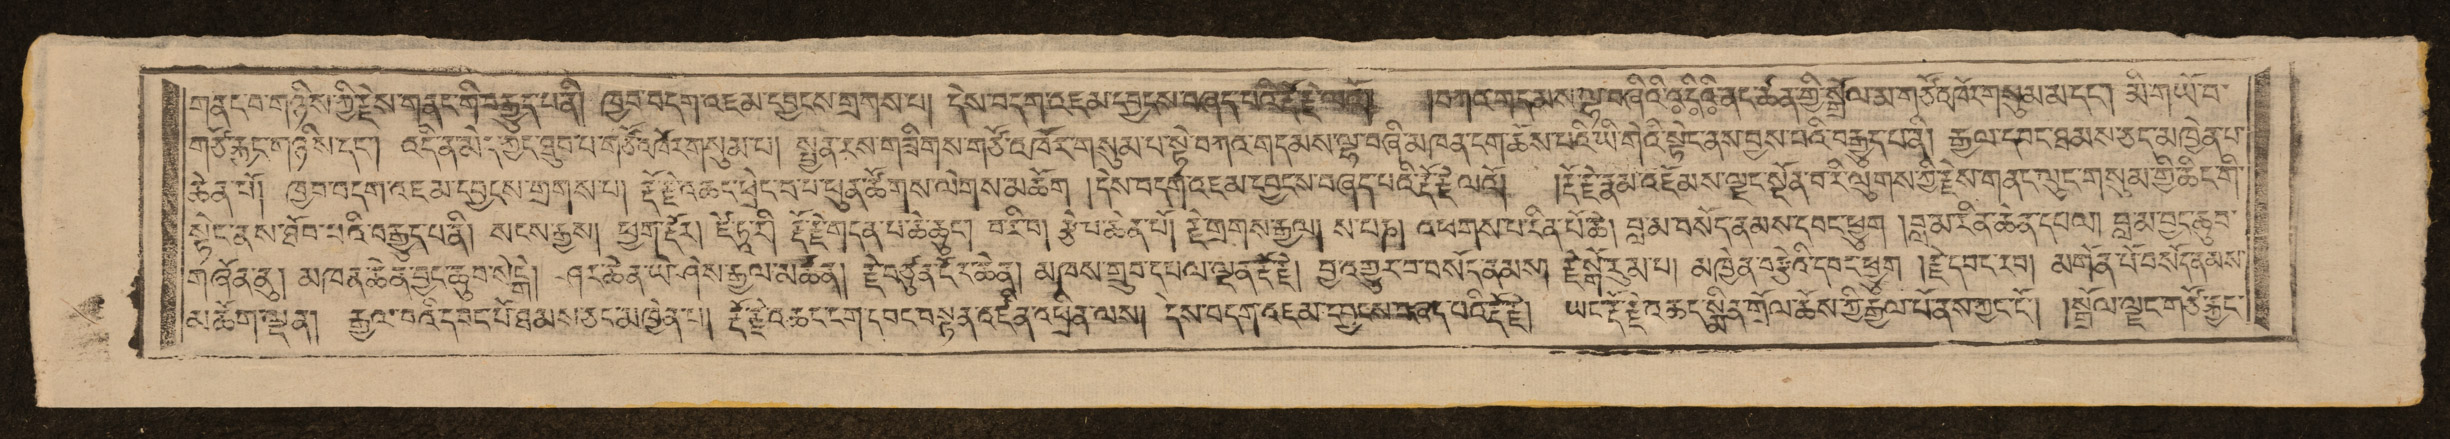གནད་བ་གཉིས་ཀྱི་རྗེས་གནང་གི་བརྒྱུད་པ་ནི། ཁྱབ་བདག་འཇམ་དབྱངས་གྲགས་པ། དེས་བདག་འཇམ་དབྱངས་བཞད་པའི་རྡོ་རྗེ་ལའོ། །བཀའ་གདམས་ལྷ་བཞིའི་འདིའི་ནང་ཚན་གྱི་སྒྲོལ་མ་གཙོ་འཁོར་གསུམ་མ་དང་། མི་གཡོ་བ་
གཙོ་རྐྱང་གཉིས་དང་། འདི་ན་མེད་ཀྱང་ཐུབ་པ་གཙོ་འཁོར་གསུམ་བ། སྦྱན་རས་གཟིགས་གཙོ་འཁོར་གསུམ་པ་སྟེ་བཀའ་གདམས་ལྟ་བཞི་མཁན་ངག་ཆོས་པའི་ཡི་གེའི་སྟེང་ནས་བྱས་པའི་བརྒྱུད་པ་ནི། རྒྱལ་དབང་ཐམས་ཅད་མཁྱེན་པ་
ཆེན་པོ། ཁྱབ་བདག་འཇམ་དབྱངས་གྲགས་པ། རྡོ་རྗེ་འཆང་ཕྲེང་བ་པ་ཕུན་ཚོགས་ལེགས་མཆོག །དེས་བདག་འཇམ་དབྱངས་བཞད་པའི་རྡོ་རྗེ་ལའོ། །རྡོ་རྗེ་རྣམ་འཇོམས་ལྗང་སྔོན་བ་རི་ལུགས་ཀྱི་རྗེས་གནང་ལུང་གསུམ་གྱི་ཆིང་གི་
སྟེང་ནས་ཐོབ་པའི་བརྒྱུད་པ་ནི། སངས་རྒྱས། ཕྱག་རྡོར། ཛེ་ཏཱ་རི། རྡོ་རྗེ་གདན་པ་ཆེ་ཆུང་། བ་རི་བ། རྩེ་བ་ཆེན་པོ། རྗེ་གྲགས་རྒྱལ། ས་པ་ཎ། འཕགས་པ་རིན་པོ་ཆེ། བླ་མ་བསོད་ནམས་དབང་ཕྱུག །བླ་མ་རིན་ཆེན་དཔལ། བླ་མ་བྱང་ཆུབ་
གཞོན་ནུ། མཁན་ཆེན་བྱང་ཆུབ་སེངྒེ། ཤར་ཆེན་ཡེ་ཤེས་རྒྱལ་མཚན། རྗེ་བཙུན་ངོར་ཆེན། མཁས་གྲུབ་དཔལ་ལྡན་རྡོ་རྗེ། བྱ་འགྱུར་བ་བསོད་ནམས། རྗེ་སྒོ་རུམ་པ། མཁྱེན་བརྩེའི་དབང་ཕྱུག །རྗེ་དབང་རབ། མགོན་པོ་བསོད་ནམས་
མཆོག་ལྡན། རྒྱལ་བའི་དབང་པོ་ཐམས་ཅད་མཁྱེན་པ། རྡོ་རྗེ་འཆང་ངག་དབང་བསྟན་འཛིན་འཕྲིན་ལས། དེས་བདག་འཇམ་དབྱངས་བཞད་པའི་རྡོ་རྗེ། ཡང་རྡོ་རྗེ་འཆང་སྨིན་གྲོལ་ཆོས་ཀྱི་རྒྱལ་པོ་ནས་ཀྱང་ངོ། །སྒྲོལ་ལྗང་གཙོ་རྐྱང་